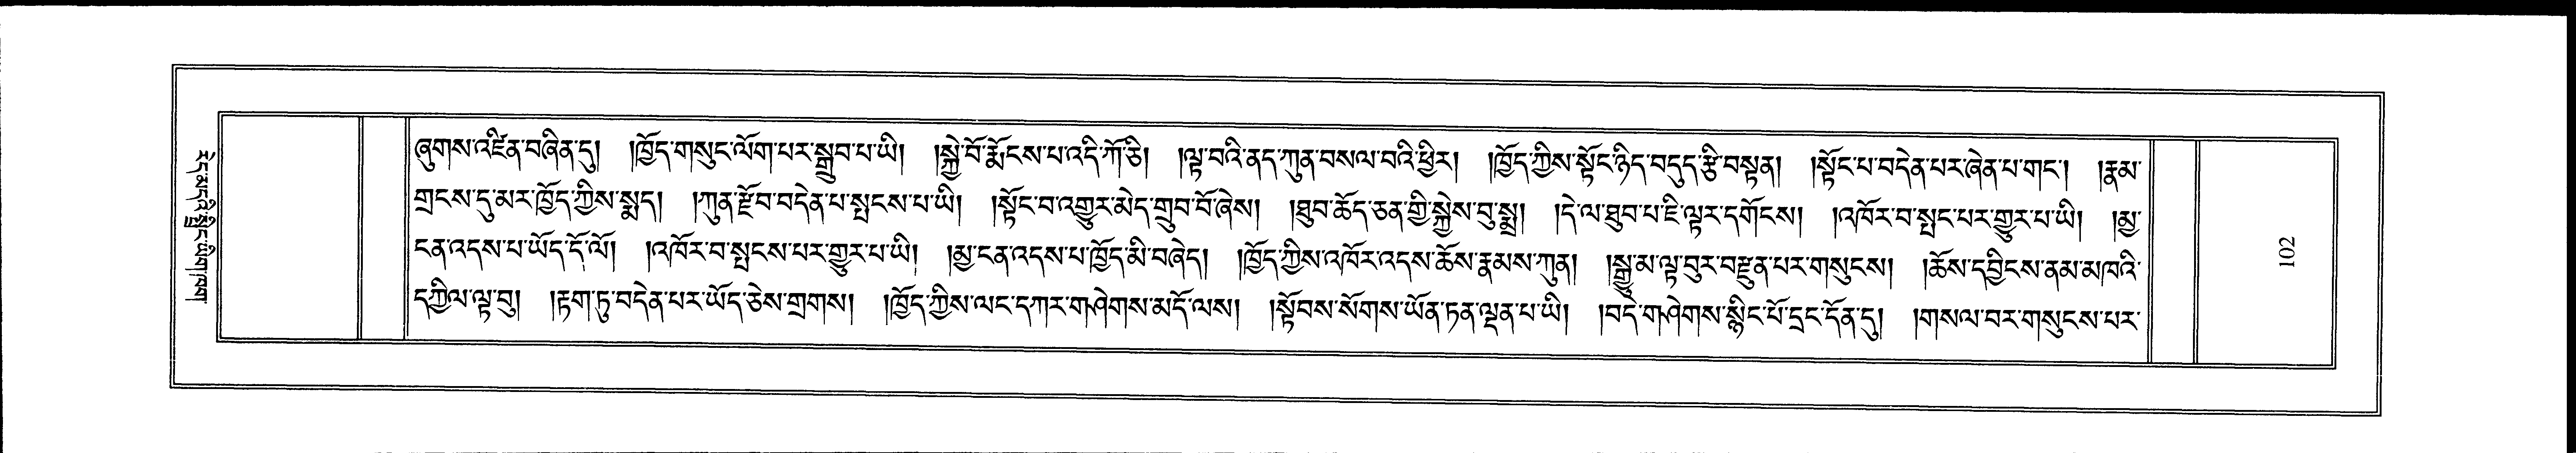ཞུགས་འཛིན་བཞིན་དུ། །ཁྱོད་གསུང་ལོག་པར་སྒྲུབ་པ་ཡི། །སྐྱེ་བོ་རྨོངས་པ་འདི་ཀོ་ཅི། །ལྟ་བའི་ནད་ཀུན་བསལ་བའི་ཕྱིར། །ཁྱོད་ཀྱིས་སྟོང་ཉིད་བདུད་རྩི་བསྟན། །སྟོང་པ་བདེན་པར་ཞེན་པ་གང་། །རྣམ་
གྲངས་དུ་མར་ཁྱོད་ཀྱིས་སྨད། །ཀུན་རྫོབ་བདེན་པ་སྤངས་པ་ཡི། །སྟོང་བ་འགྱུར་མེད་གྲུབ་བོ་ཞེས། །ཐུབ་ཆོད་ཅན་གྱི་སྐྱེས་བུ་སྨྲ། །དེ་ལ་ཐུབ་པ་ཇི་ལྟར་དགོངས། །འཁོར་བ་སྤང་པར་གྱུར་པ་ཡི། །མྱ་
ངན་འདས་པ་ཡོད་དོ་ལོ། །འཁོར་བ་སྤངས་པར་གྱུར་པ་ཡི། །མྱ་ངན་འདས་པ་ཁྱོད་མི་བཞེད། །ཁྱོད་ཀྱིས་འཁོར་འདས་ཆོས་རྣམས་ཀུན། །སྒྱུ་མ་ལྟ་བུར་བརྫུན་པར་གསུངས། །ཆོས་དབྱིངས་ནམ་མཁའི་
དཀྱིལ་ལྟ་བུ། །རྟག་ཏུ་བདེན་པར་ཡོད་ཅེས་གྲགས། །ཁྱོད་ཀྱིས་ལང་དཀར་གཤེགས་མདོ་ལས། །སྟོབས་སོགས་ཡོན་ཏན་ལྡན་པ་ཡི། །བདེ་གཤེགས་སྙིང་པོ་དྲང་དོན་དུ། །གསལ་བར་གསུངས་པར་